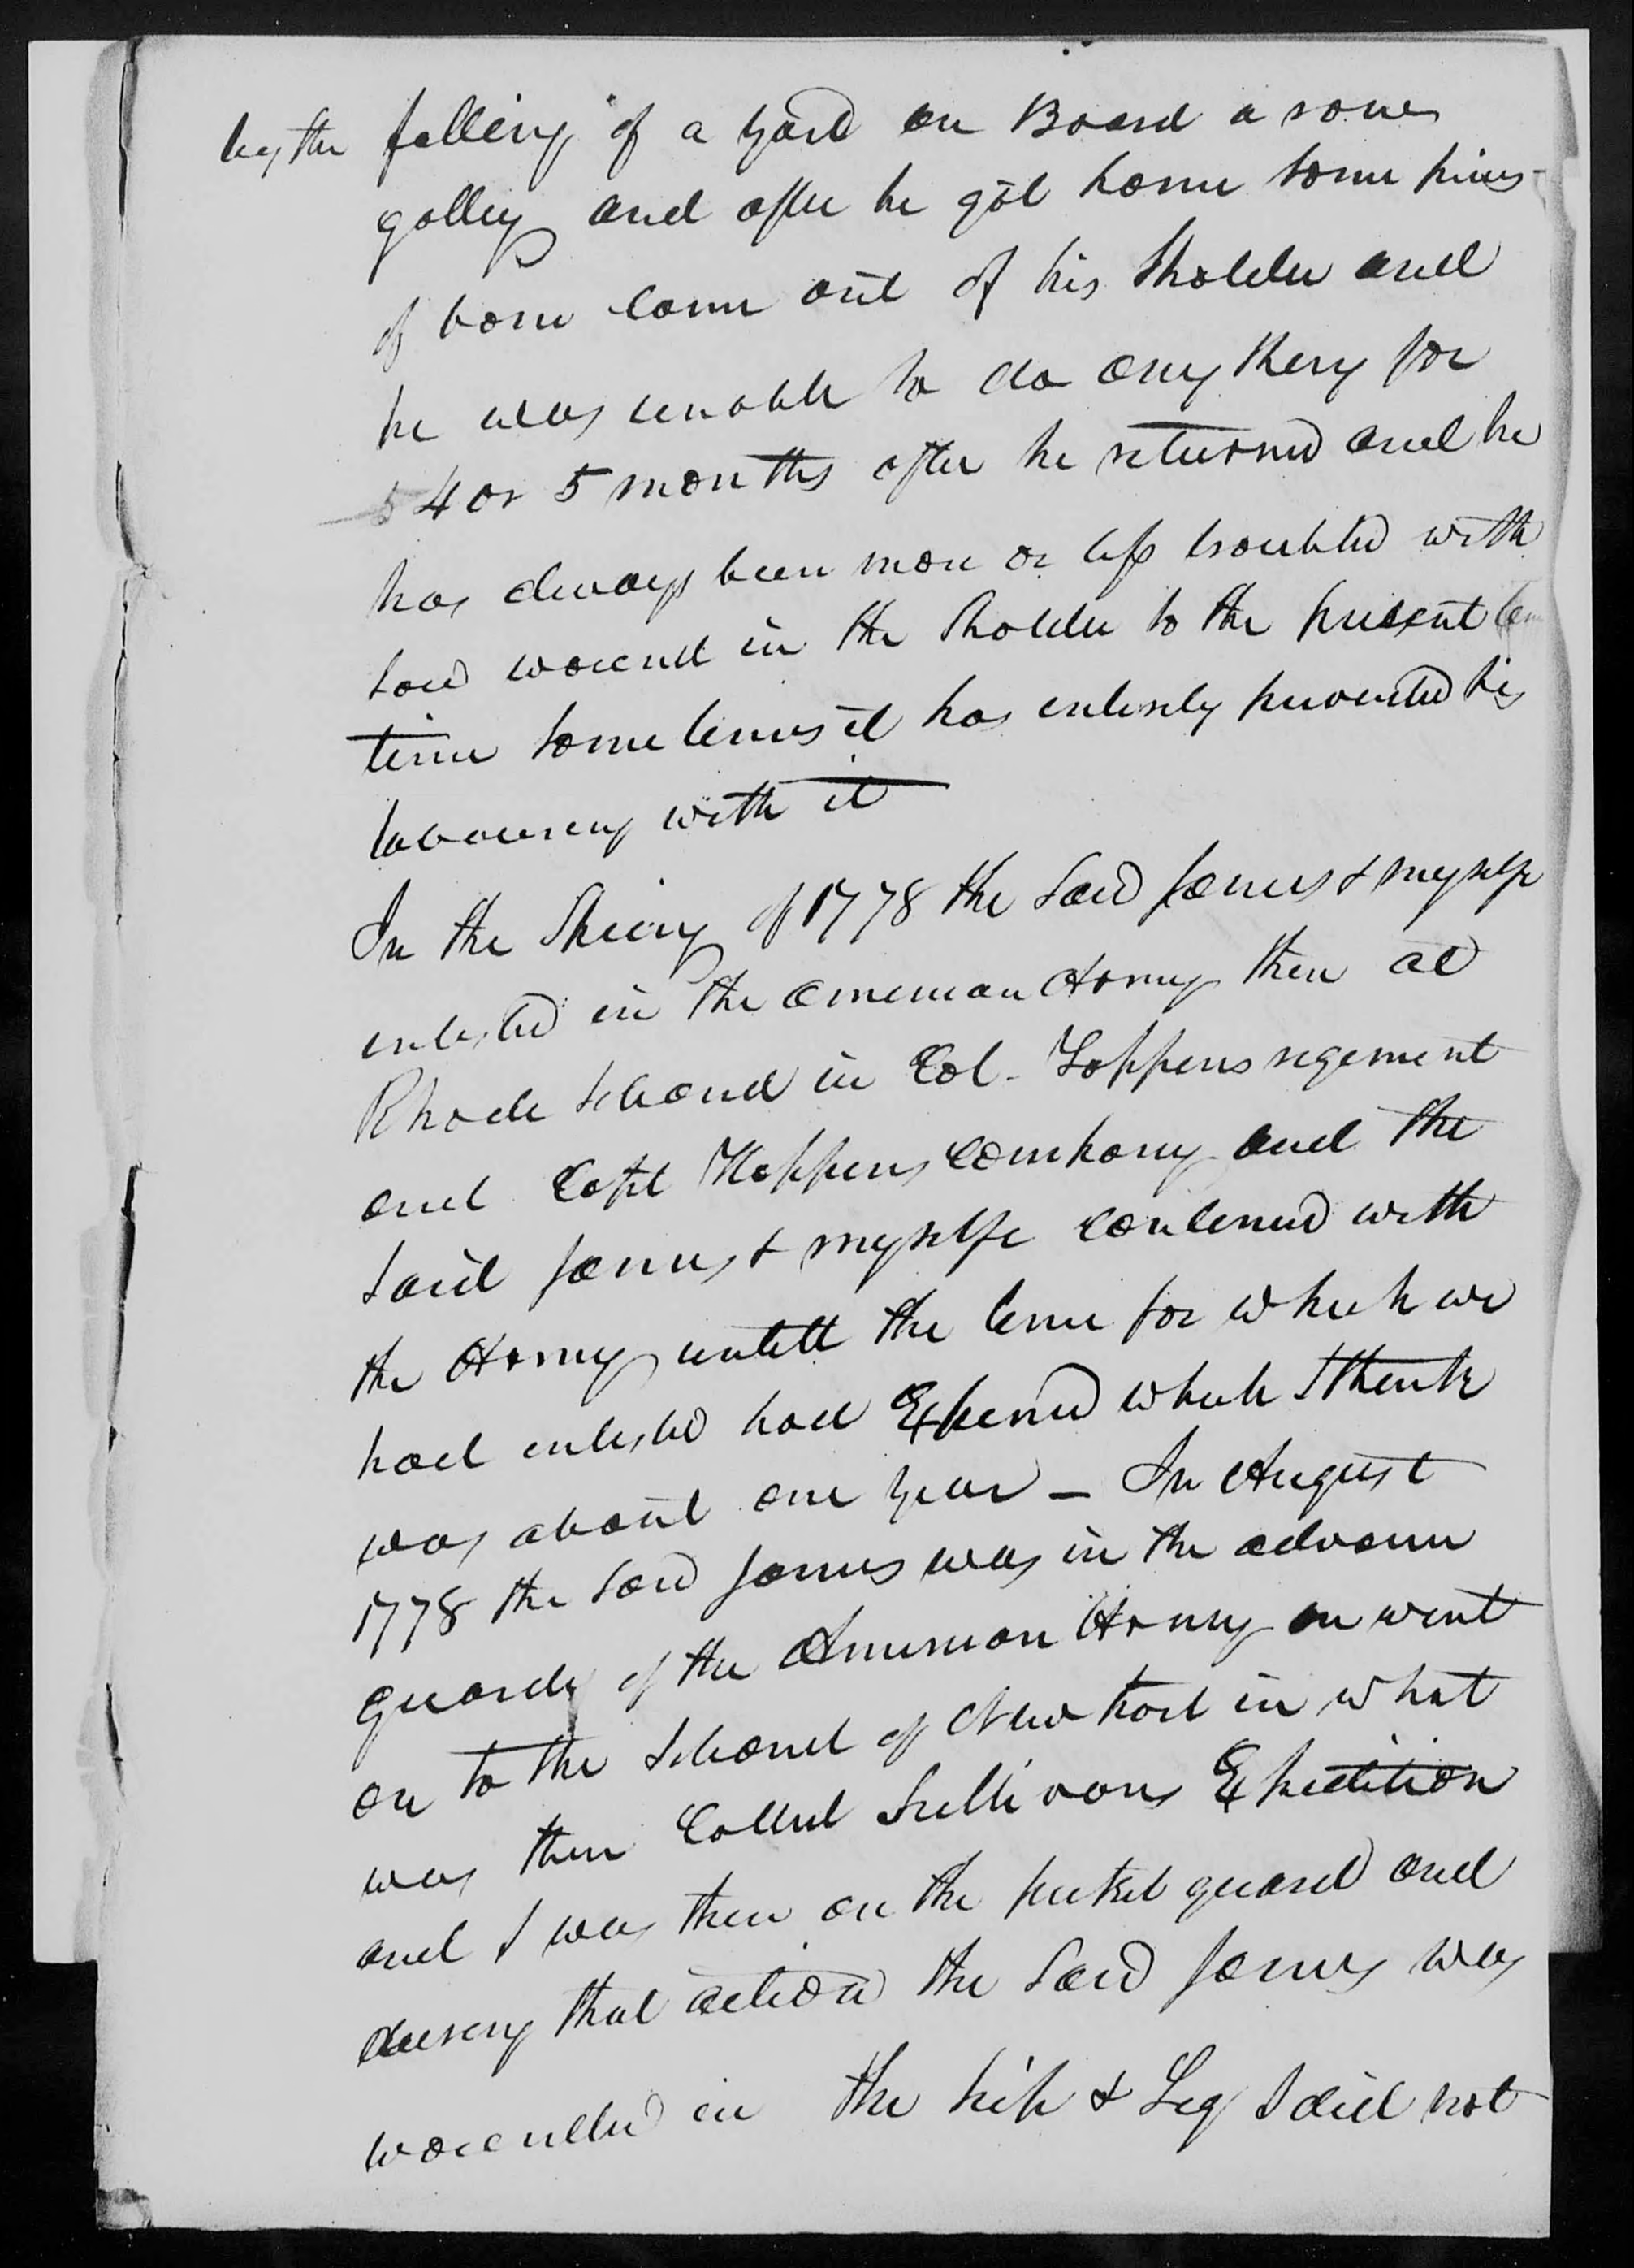by the falling of a gard on Board a some galley and after he got home some piece of bone came out of his sholder (sic) and he was unable to do anything for 4 or 5 months after he returned and he has always be more or less troubled with said wounds in the sholder to the present time sometimes it has entirely prevented him labouring with it
In the Spring of 1778 said James & myself enlisted in the American Army then at Rhode Island in Col. Toppers regiment and Capt Jeffers company and the said James & myself continued with the Army untill the term for which we had enlisted had expired which I think was about one year - In August 1778 the said James was in the advance guard of the American Army and went on to the [illegible] of Newport in what was the Colonel Sullivan's Exhibition and I  was then on the picket guard and [illegible] that action the said James was wounded in the hip & leg I did not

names: James, Henry, James, James, James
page: 16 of 100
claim: survivor's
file: S 19186, James Austin, Conn. New York R.I.